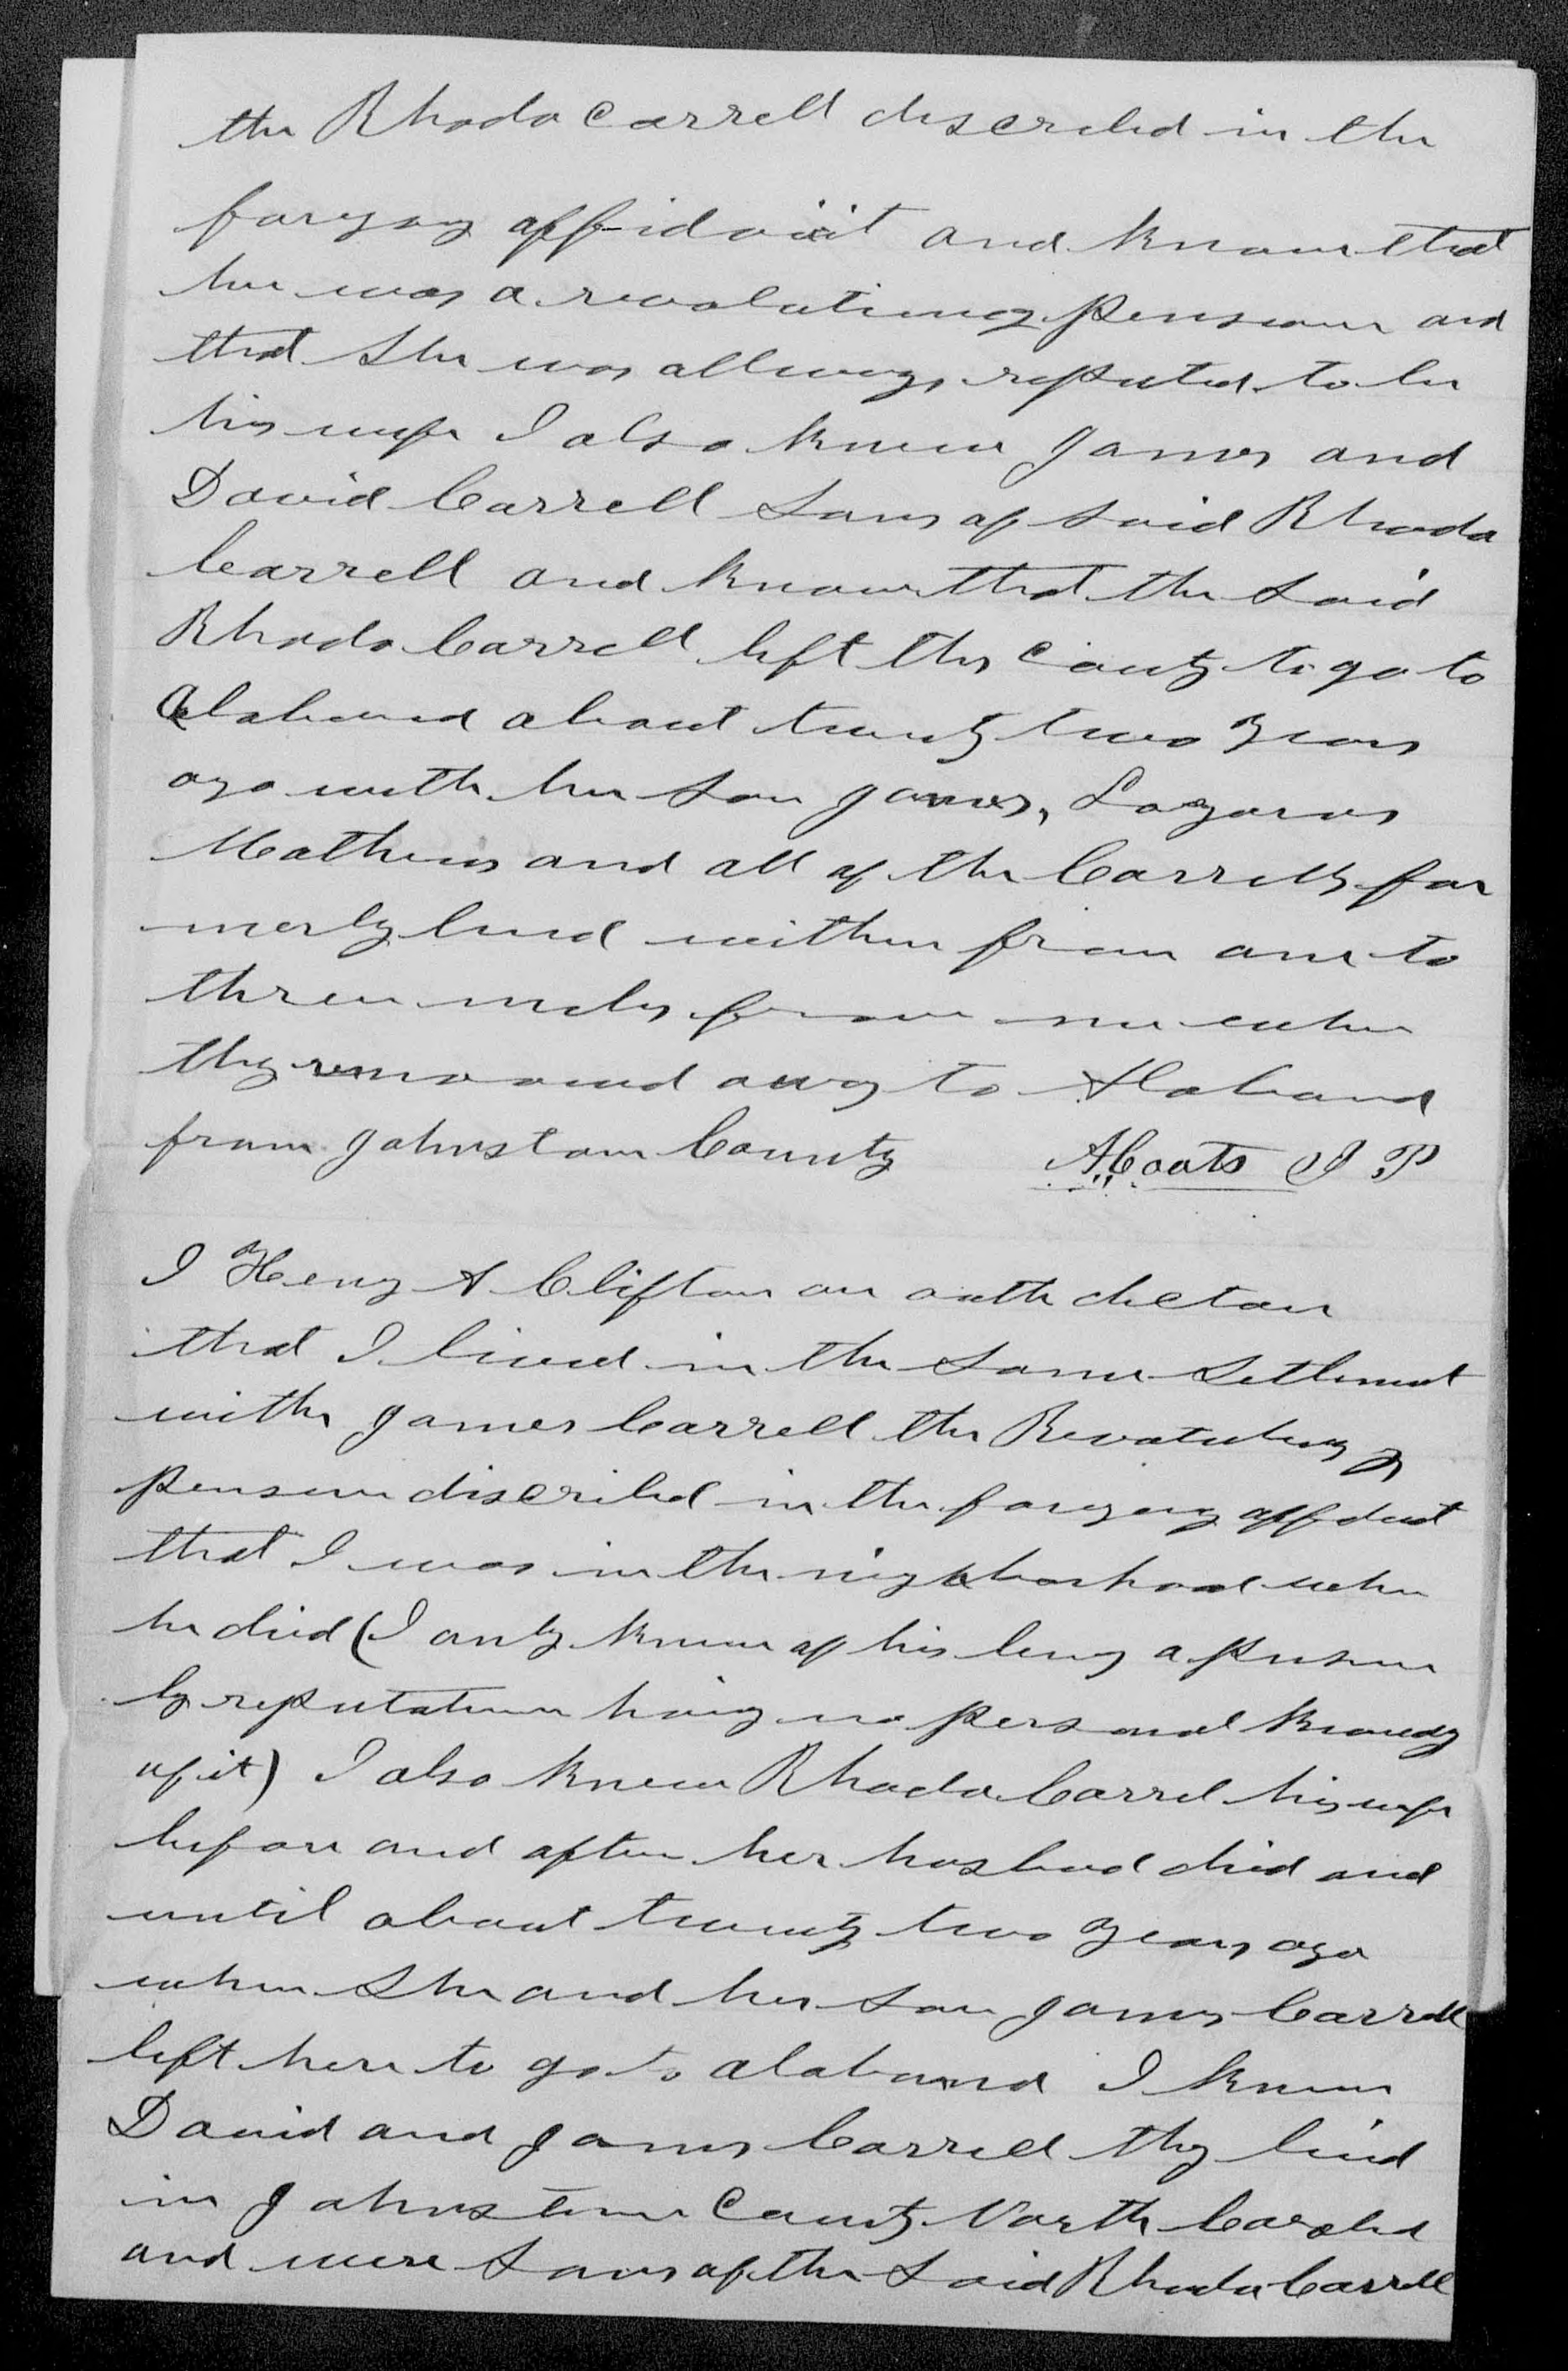the Rhoda Carrell described in the foegoing affidavit and know that he was a revolutionary pensioner and that she was allways reputed to be his wife I also know James and David Carrell sons of said Rhoda Carrell and know that the said Rhoda Carrell left this county to go to Alabama about twenty two years ago with her son James, Lazarus Mathews and all of the Carrells formerly lived within from on to three miles from me when they removed away to Alabama from Johnston County . A. Coats JP

I Henry A Clifton an auth[illegible] that I lived in the same setlement with James Carrell the Revolutionary pensioner discribed in the foregoing affidavit that I was in the neighborhood when he died (I only know of his being a pensioner by reputation having no personal knowledge of it) I also knew Rhoda Carrel his wife before and after her husband died and until about twenty two years ago when she and her son James Carrell left here to go to Alabama I knew David and James Carrell they lived in Johnston County North Carolina and were sons of the said Rhoda Carrell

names: Rhoda Carrell, Lazarus Mathews, James Carrell, James Carrell, Rhoda Carrell, Carrell, James Carrell, David Carrell, Rhoda Carrell, David Carrell, James Mathews, James Carrell, A Coats, Henry A Clifton, Rhoda Carrell, Rhoda Carrel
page: 54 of 86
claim: widow's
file: W. 6899, James Carrell, N.C.